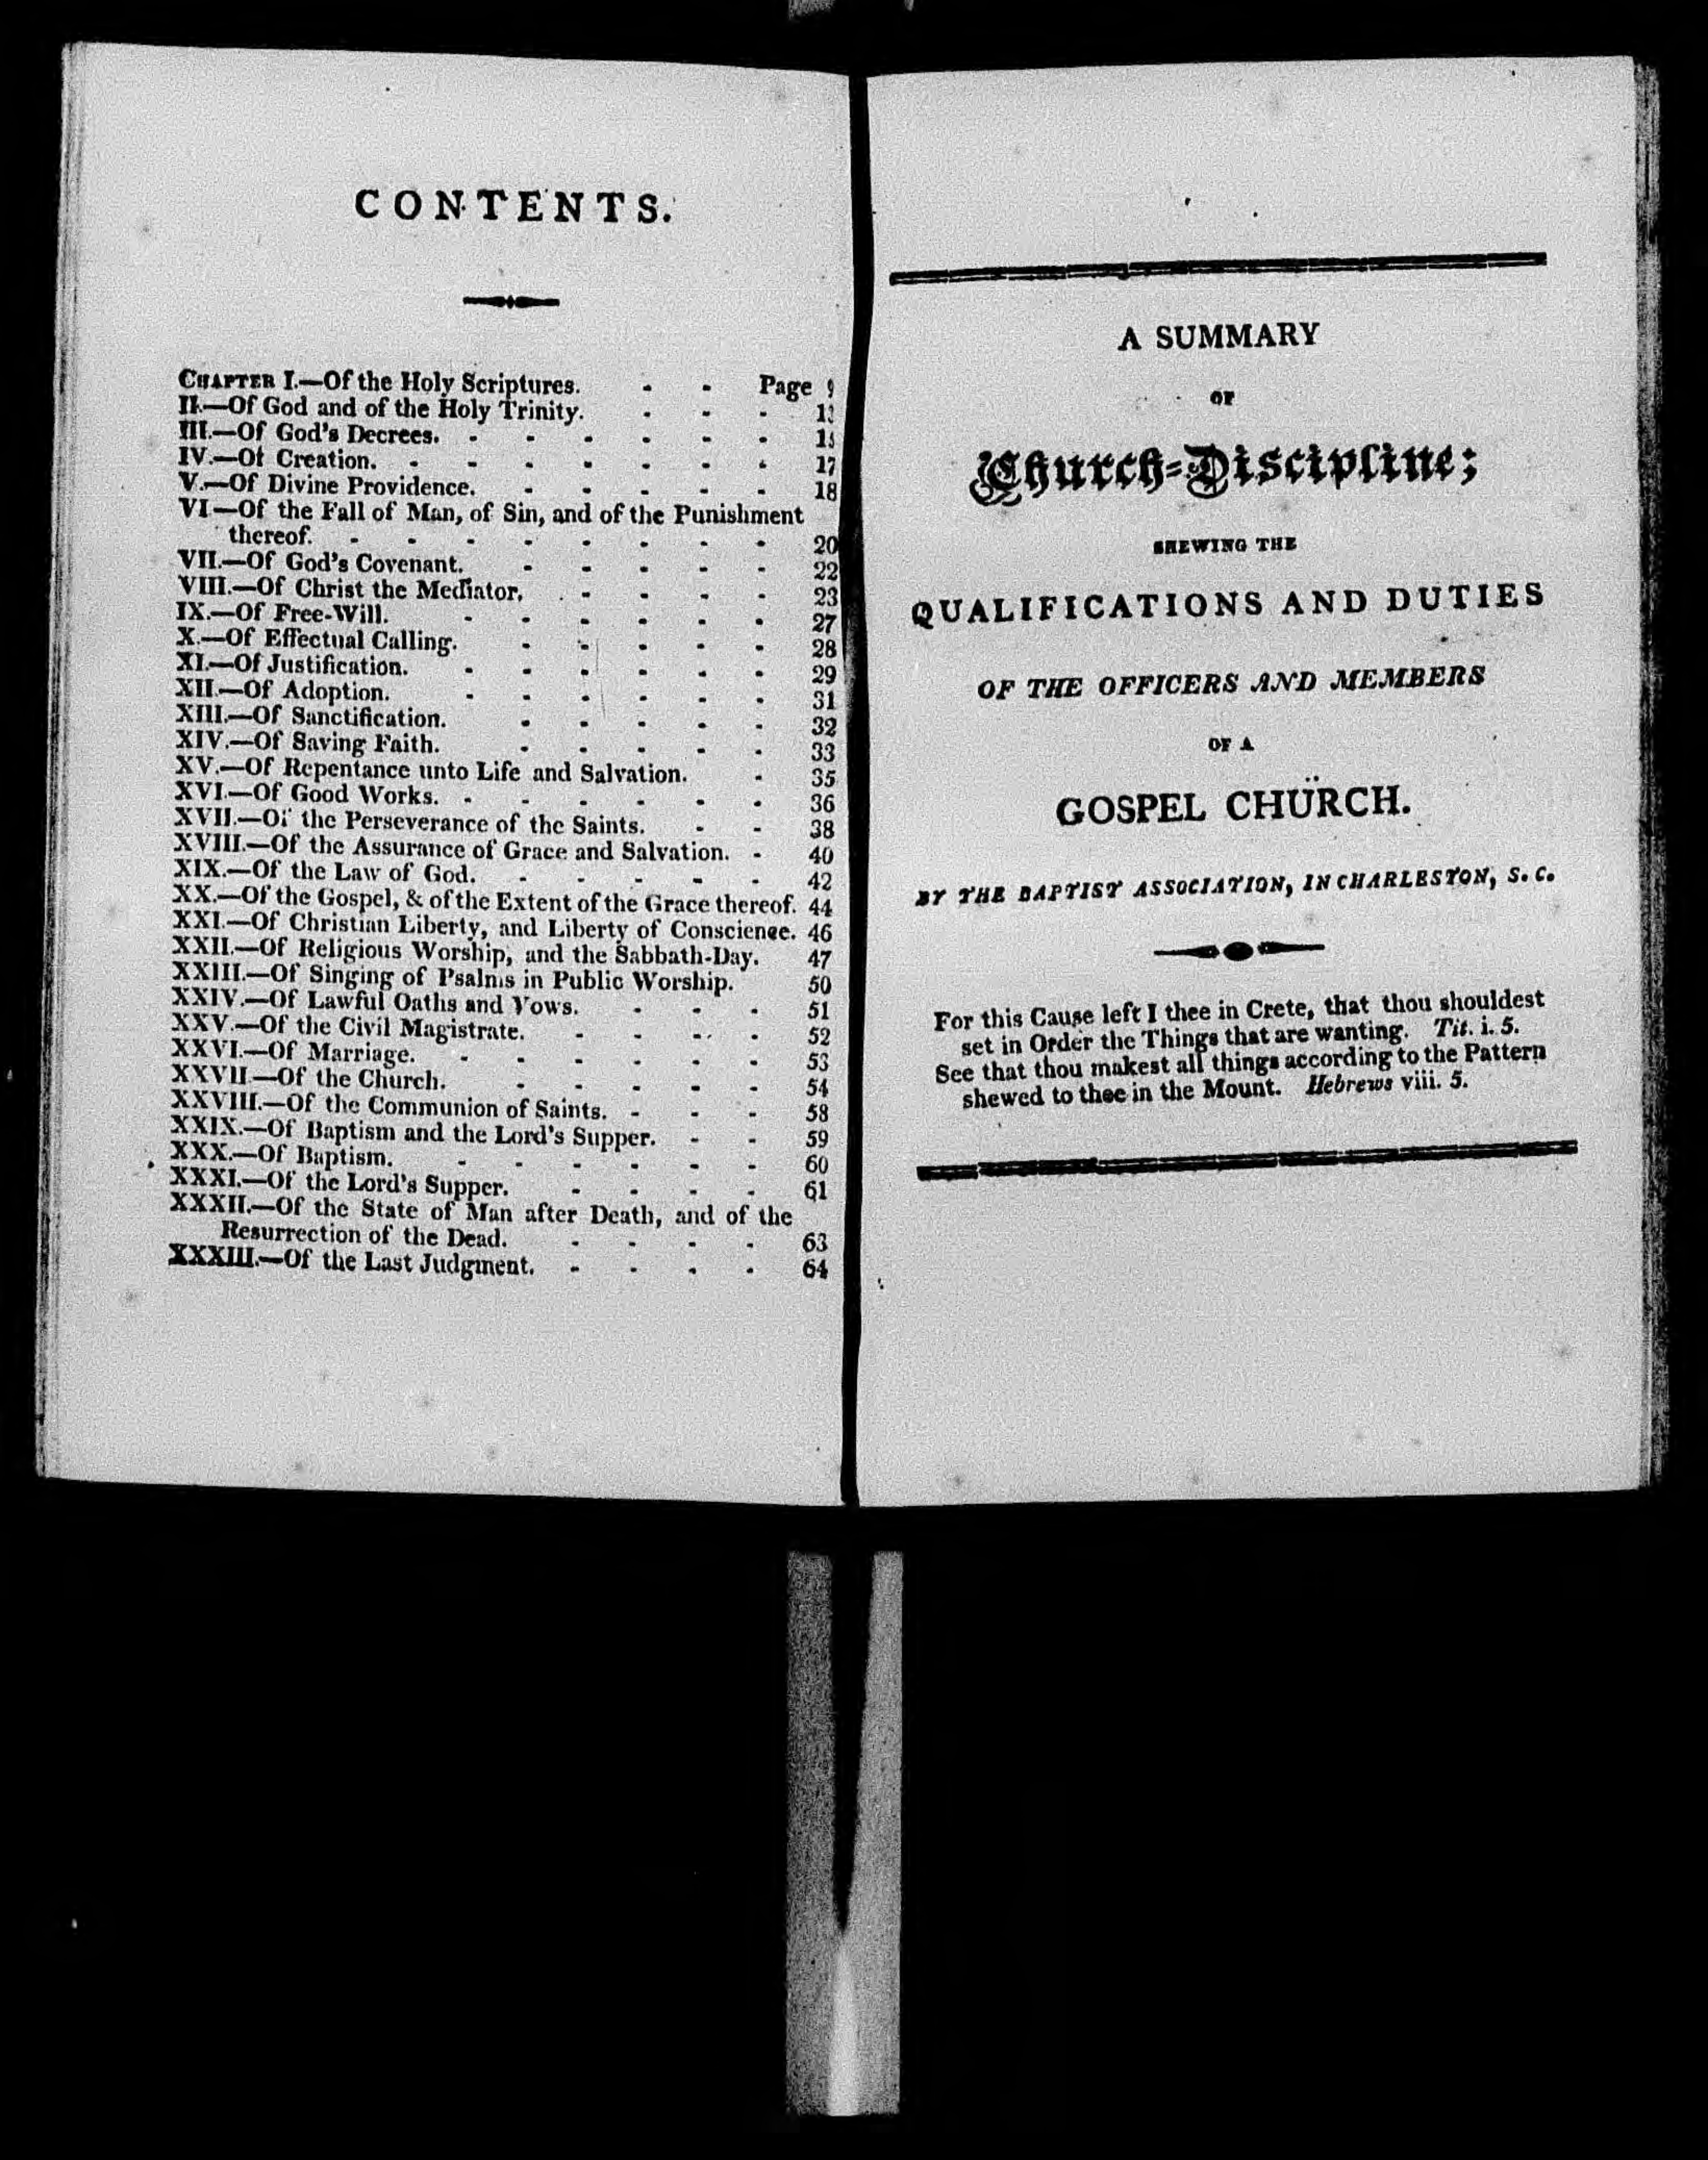CONTENTS

CHAPTER I. - Of the Holy Scriptures. -- Page 9
II. - Of God and of the Holy Trinity. -- 13
III. - Of God's Decrees. --15
IV. - Of Creation. --17
V. - Of Divine Providence. -- 18
VI. - Of the Fall of Man, of Sin, and of the Punishment thereof. --20
VII. - Of God's Covenant. -- 22
VIII. - Of Christ the Mediator. -- 23
IX. - Of Free-Will. -- 27
X. - Of Effectual Calling. -- 28
XI. - Of Justification. -- 29
XII. - Of Adoption. -- 31
XIII. - Of Sanctification. --32
XIV. - Of Saving Faith. -- 33
XV. - Of Repentance unto Life and Salvation. -- 35
XVI. - Of Good Works. -- 36
XVII. - Of the Perseverance of the Saints. -- 38
XVIII. - Of the Assurance of Grace and Salvation. -- 40
XIX. - Of the Law of God. -- 42
XX. - Of the Gospel, & of the Extent of the Grace thereof. -- 44
XXI. - Of Christian Liberty, and Liberty of Conscience. -- 46
XXII. - Of Religious Worship, and the Sabbath-Day. -- 47
XXIII. - Of Singing of Psalms in Public Worship. -- 50
XXIV. - Of Lawful Oaths and Vows. -- 51
XXV. - Of the Civil Magistrate. -- 52
XXVI. - Of Marriage. -- 53.
XXVII. - Of the Church. -- 54
XXVIII. - Of the Communion of Saints.  58
XXIX. - Of Baptism and the Lord's Supper. -- 59
XXX. - Of Baptism. -- 60.
XXXI. - Of the Lord's Supper. -- 61
XXXII. - Of the State of Man after Death, and of the Resurrection of the Dea. -- 63
XXXIII. - Of the Last Judgment. -- 64

==========

A SUMMARY

OF

Church = Discipline;

SHEWING THE

QUALIFICATIONS AND DUTIES

OF THE OFFICERS AND MEMBERS

OF A

GOSPEL CHURCH.

BY THE BAPTIST ASSOCIATION, IN CHARLESTON, S.C.

==========

For this Cause left I thee in Crete, that thou shouldest set in Order the Things that are wanting. Tit. i. 5.
See that thou makest all things according to the Pattern shewed to thee in the Mount. Hebrews viii. 5.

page: 46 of 98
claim: widow's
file: W. 8398, William Broadway, S.C.